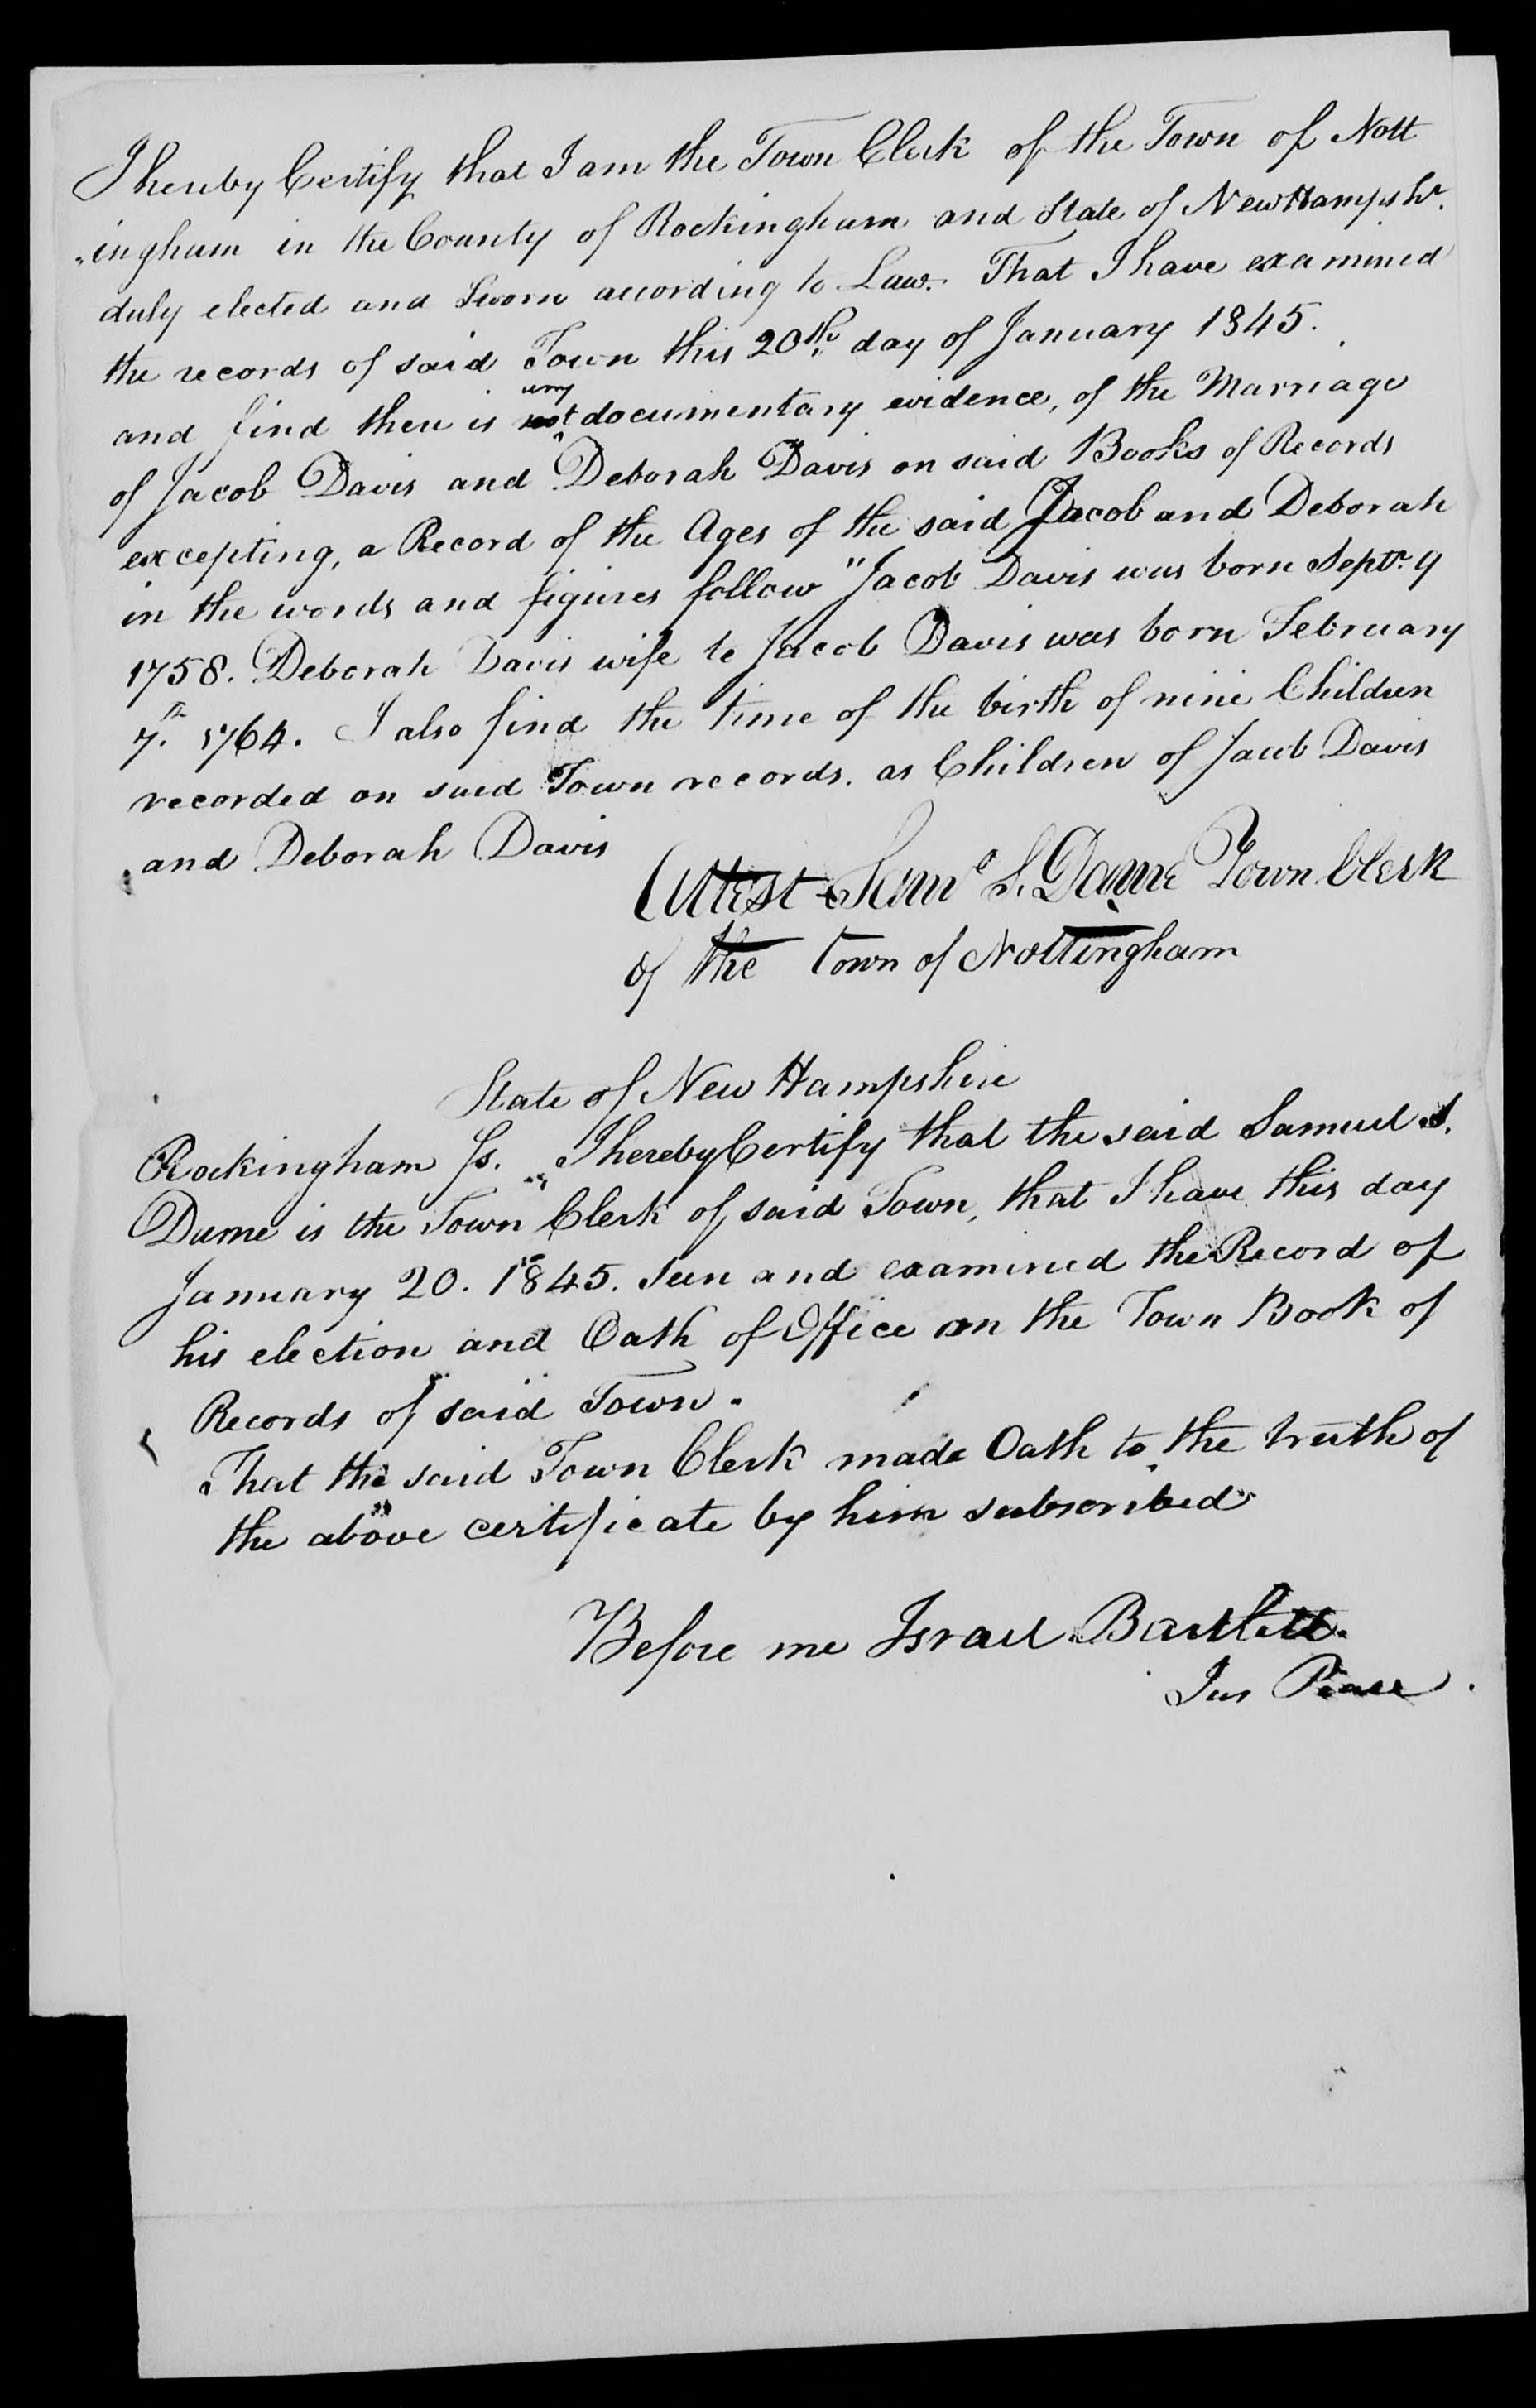I hereby Certify that I am the Town Clerk of the Town of Nottingham in the County of Rockingham and State of New Hampshr [Hampshire] duly elected and Sworn according to Law. That I have examined the records of said Town this 20th day of January 1845. and find there is not any documentary evidence, of the Marriage of Jacob Davis and Deborah Davis on said Books of Records excepting a Record of the Ages of the said Jacob and Deborah in the words and figures follow "Jacob Davis was born Sept 9 1758. Deborah Davis wife to Jacob Davis was born February 7th 1764. I also find the time of the birth of nine Children recorded on said Town records as Children of Jacob Davis and Deborah Davis
Attest Saml S. Dame Town Clerk
of the town of Nottingham

State of New Hampshire
Rockingham ss
I hereby Certify that the said Samuel S. Dame is the Town Clerk of said Town, that I have this day January 20, 1845 seen and examined the Record of his election and Oath of Office on the Town Book of Records of said Town.
That the said Town Clerk made Oath to the truth of
the above certificate by him subscribed
Before me Israel Bartlett
Jus Peace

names: Jacob Davis, Jacob Davis, Israel Bartlett, Deborah Davis, Deborah Davis, Samuel S Dame, Saml S Dame, Deborah Davis, Jacob Davis, Deborah, Jacob Davis, Jacob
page: 33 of 47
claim: widow's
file: W. 24043, Jacob Davis, N.H.